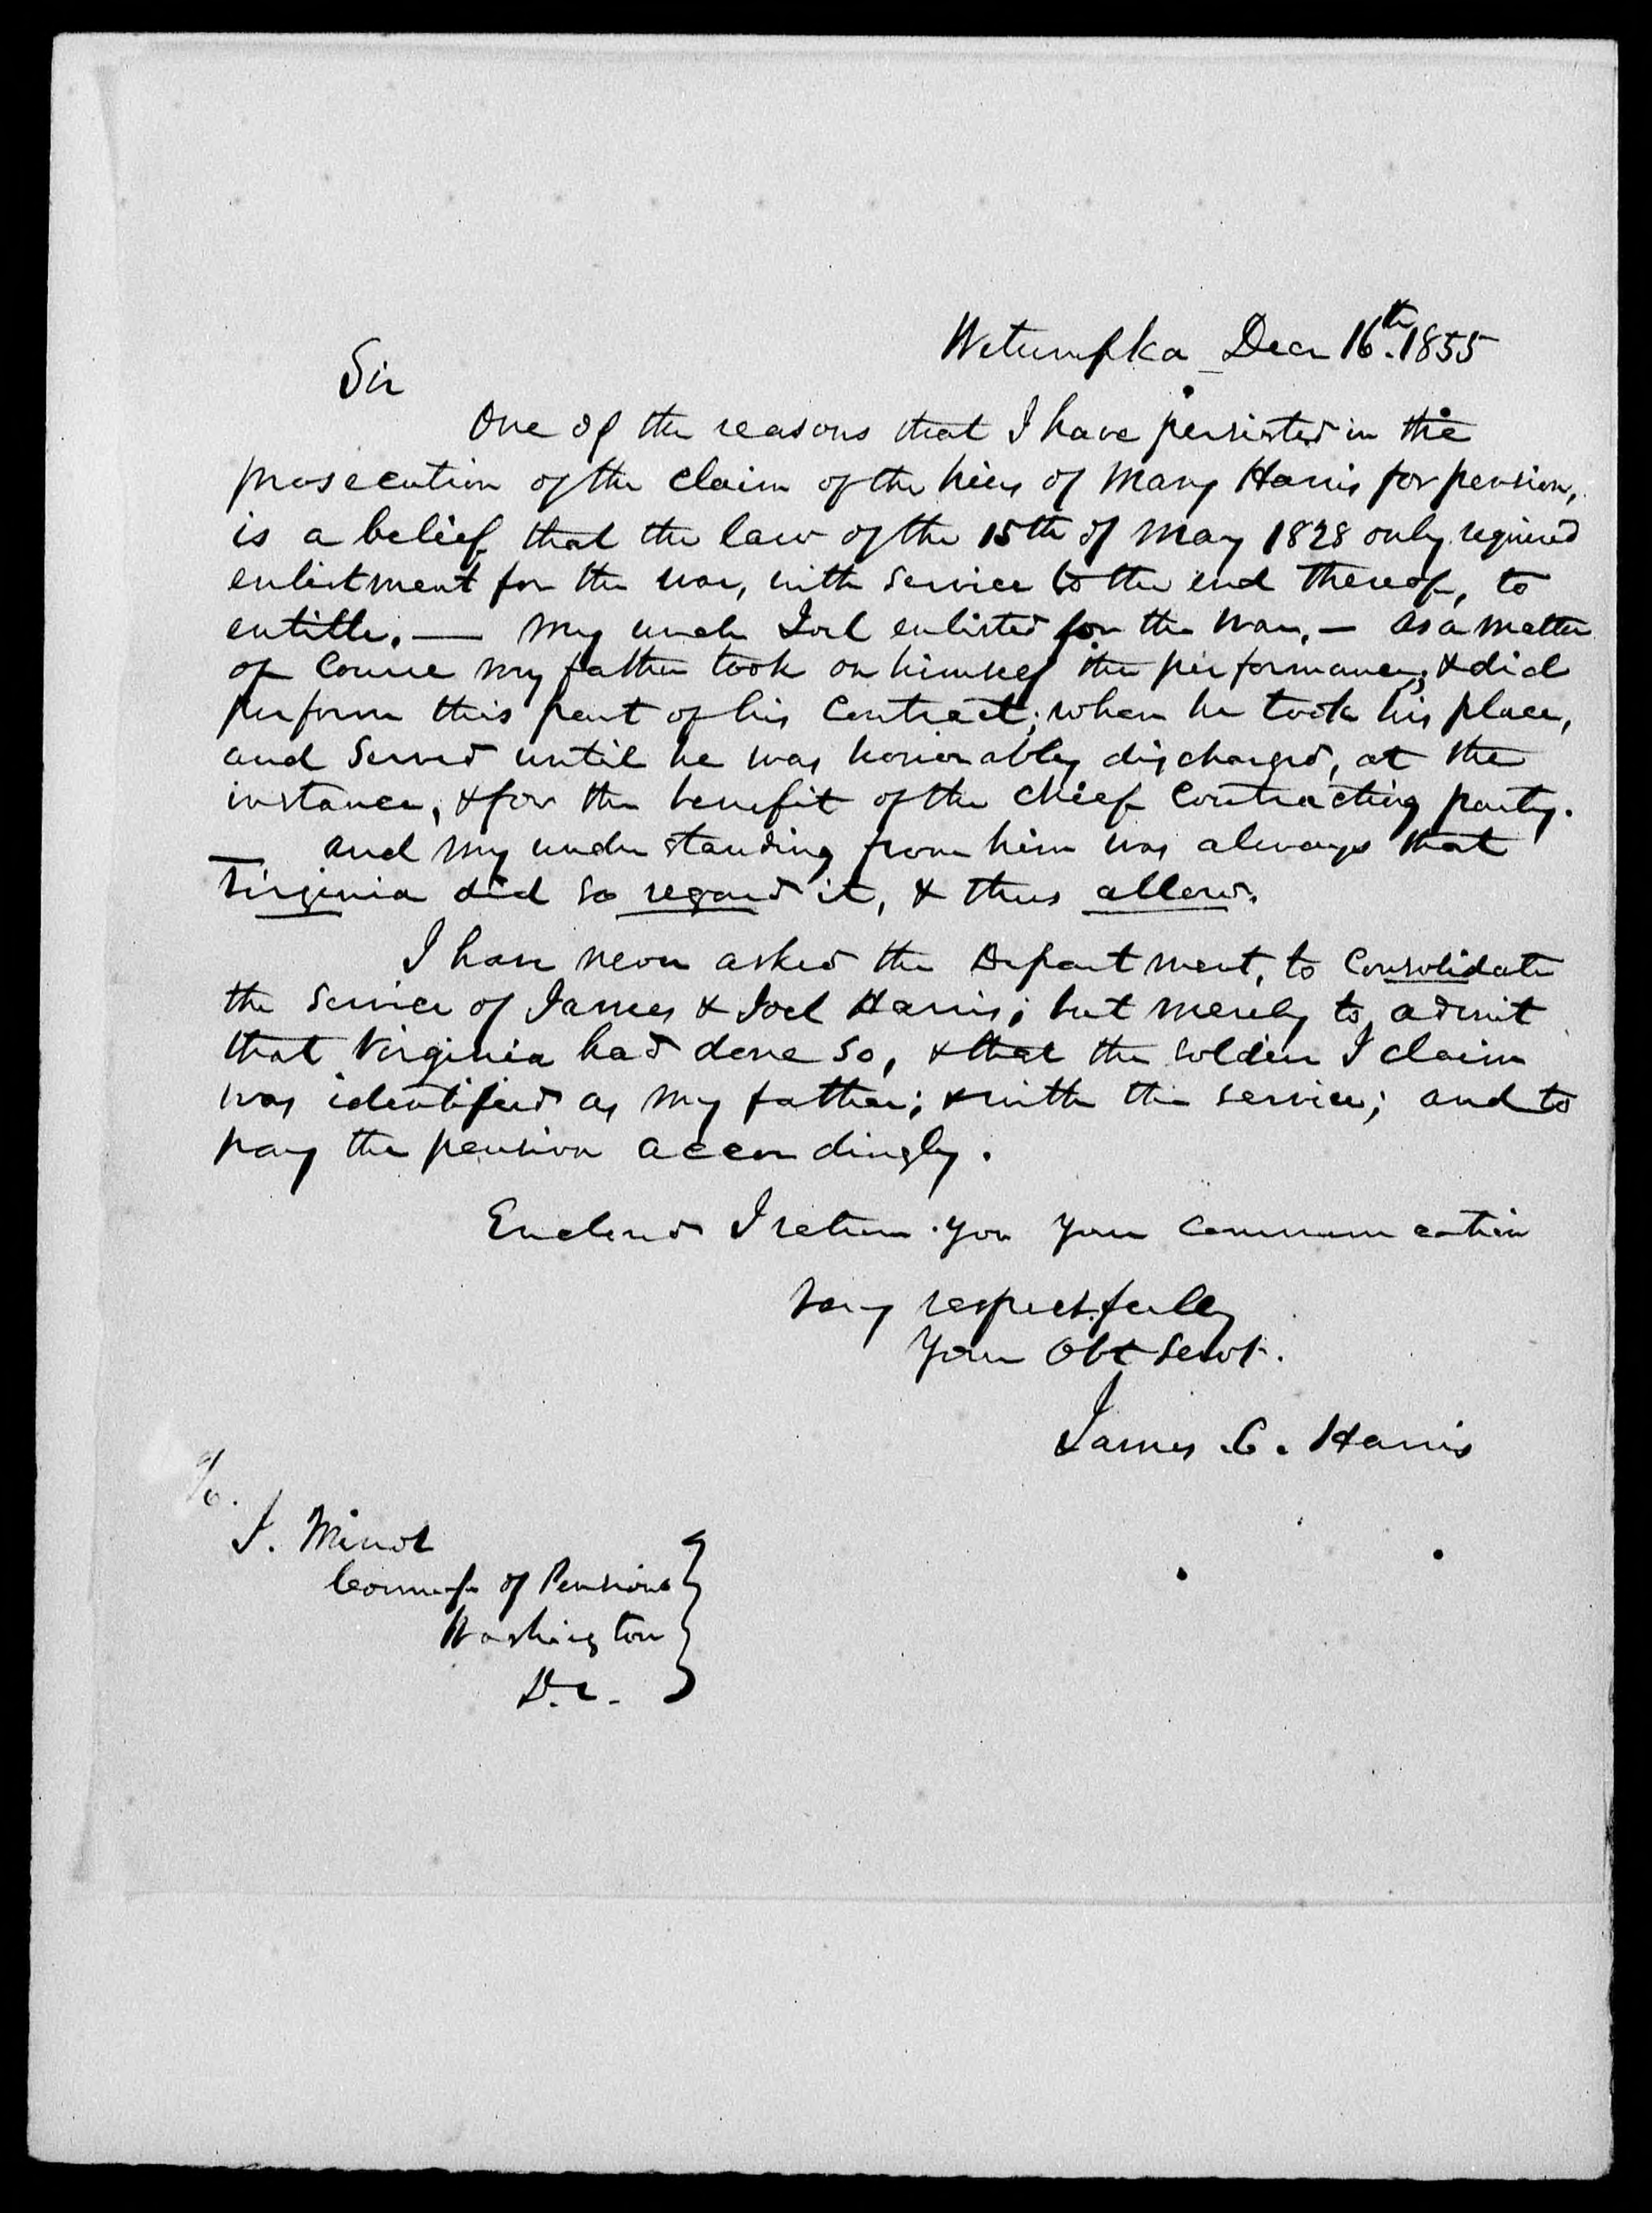Wetumpka Decr 16.1855

Sir
One of the reasons that I have persisted in the prosecution of the claim of the heirs of Mary Harris for pension, is a belief that the law of the 15th of May 1828 only required enlistment for the war, with service to the end thereof, to entitle.--My uncle Joel enlisted for the war.--as a matter or course my father took on himself the performance & did perform this part of his contract; when he took his place, and served until he was honorably discharged at the instance & for the benefit of the chief contracting party.
And my understanding from him was always that Virginia did so regard it, & thus allow.
I have never asked the Department to consolidate the service of James & Joel Harris, but merely to admit that Virginia had done so, & that the soldier I claim was identified as my father, & with the service, and to pay the pension accordingly.
Enclosed I return you your communication
Very respectfully
Your Obt Servt
James C. Harris

To
J. Minot
Commiss of Pensions
Washington
D.C,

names: James Harris, Mary Harris, J Minot, James L Harris, Joel, Joel Harris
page: 107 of 160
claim: rejected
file: R. 4666, James Harris, Va.